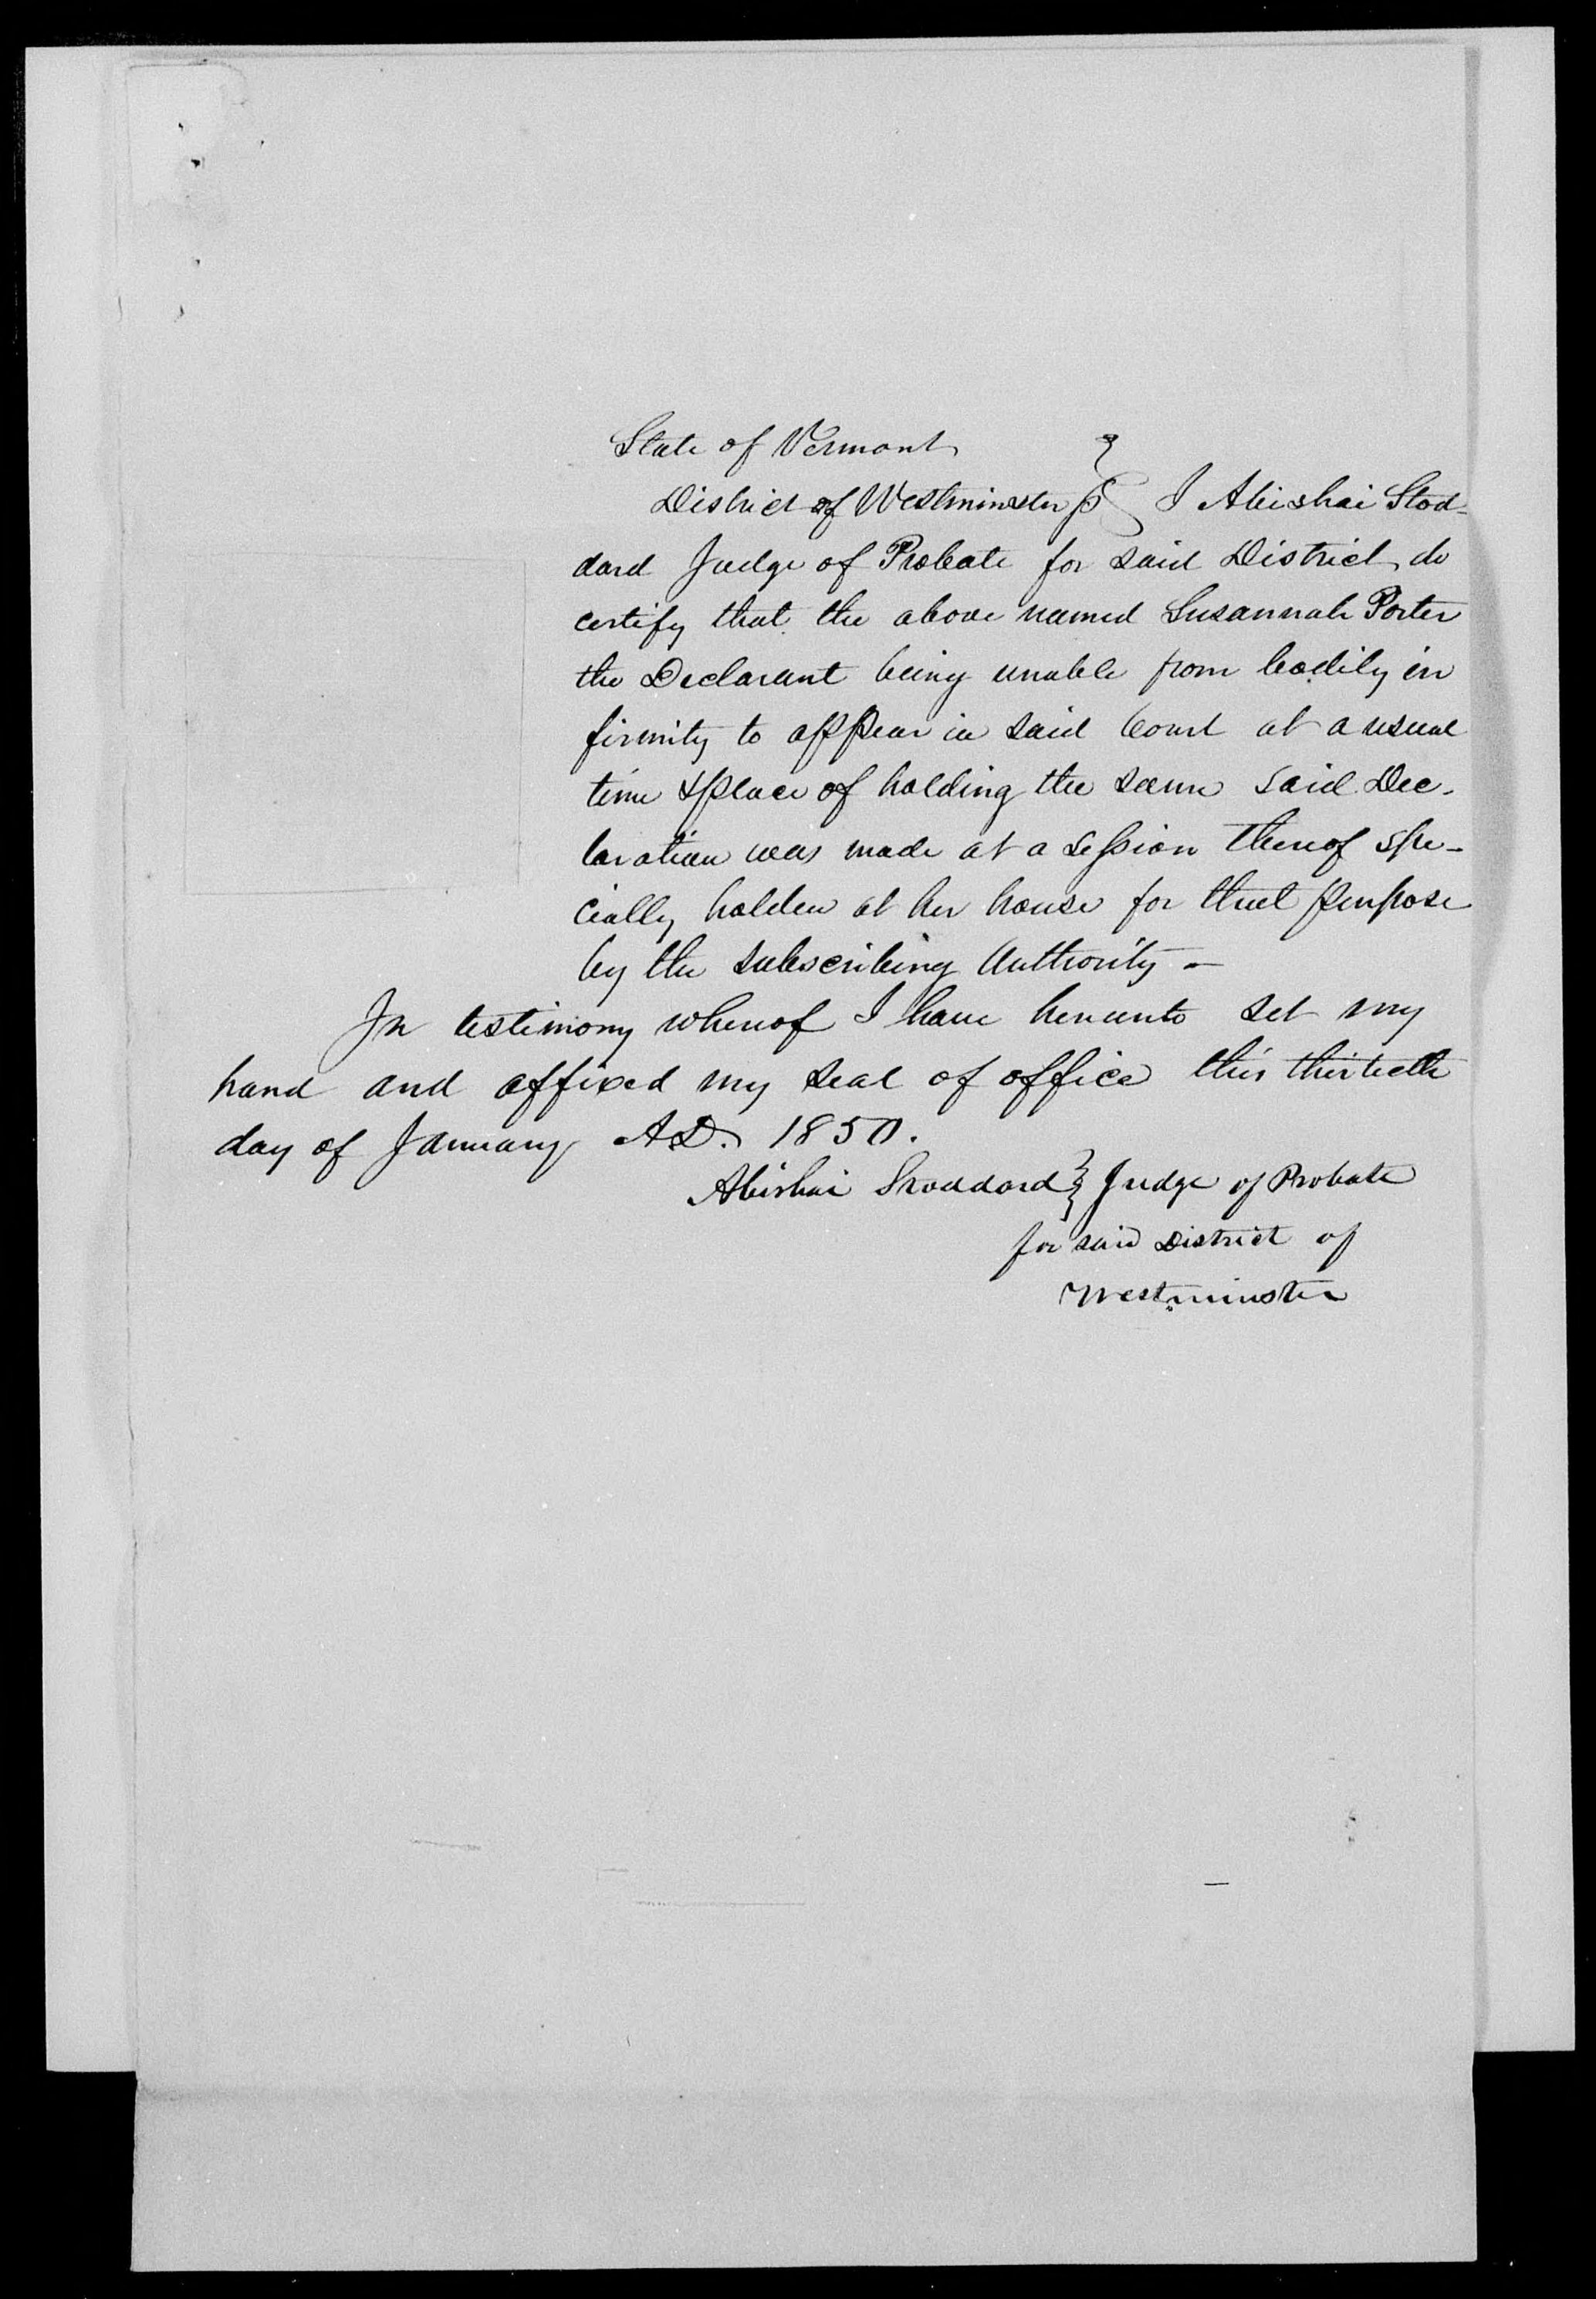State of Vermont
District of Westminster ss
I Abishai Stoddard Judge of Probate for said District, do certify that the above named Susannah Porter the Declarant being unable from bodily in firmity to appear in said Court at a usual time & place of holding the same said Declaration was made at a session thereof specially holden at her house for that purpose by the subscribing authority.
In testimony whereof I have hereunto set my hand and affixed my seal of office this thirtieth day of January A.D. 1850.
Abishai Stoddard Judge of Probate for said District of Westminster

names: Abishai Stoddard; Susannah Porter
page: 13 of 49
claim: widow's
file: W. 2164, for George Porter, Massachusetts